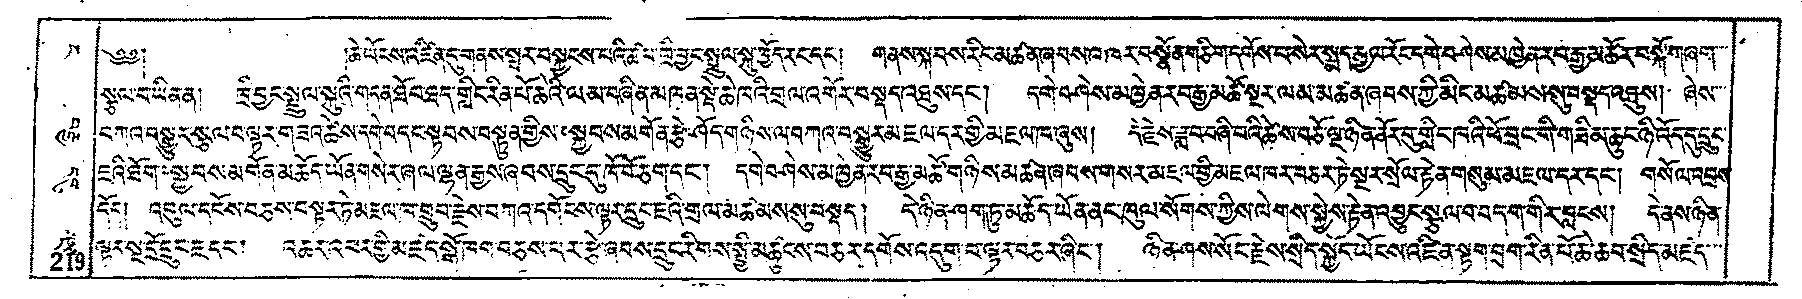༄༅། །ཆེ་ཡོངས་འཛིན་དུ་གནས་སྤར་བསྐྱངས་པའི་ཚབ་ཁྲི་བྱང་སྤྲུལ་སྐུ་ཁྱོད་རང་དང་། གནས་སྐབས་རིང་མཚན་ཞབས་འཁར་བསྣོན་གཅིག་དགོས་པ་སེར་སྨད་རྒྱལ་རོང་དགེ་བཤེས་མཁྱེན་རབ་རྒྱ་མཚོར་བསྐོ་གཞག་
སྩལ་བ་ཡིན་ན། ཁྲི་བྱང་སྤྲུལ་སྐུའི་གདན་ཐོབ་ཐད་གླིང་རིན་པོ་ཆེའི་ལམ་བཞིན་མཁན་སྡེ་ཆེ་ཁའི་གྲལ་འགོར་བསྡད་འཐུས་དང་། དགེ་བཤེས་མཁྱེན་རབ་རྒྱ་མཚོ་སྔར་ལམ་མཚན་ཞབས་ཀྱི་མིང་མཚམས་སུ་བསྡད་འཐུས། ཞེས་
བཀའ་བསྒྱུར་སྩལ་བ་ལྟར་གཟའ་ཚེས་དགེ་བ་དང་སྟབས་བསྟུན་གྱིས་༧སྐྱབས་མགོན་རྩེ་ཤོད་གཉིས་ལ་བཀའ་བསྒྱུར་མཇལ་དར་གྱི་མཇལ་ཁ་ཞུས། དེ་རྗེས་ཟླ་བ་བཞི་པའི་ཚེས་བཅོ་ལྔ་ཉིན་ནོར་བུ་གླིང་ཁའི་ཕོ་བྲང་གི་གཟིམ་ཆུང་ཉི་འོད་དུ་དྲུང་
ཇའི་ཐོག་༧སྐྱབས་མགོན་མཆོད་ཡོན་གསེར་ཞལ་ལྷན་རྒྱས་ཞབས་དྲུང་དུ་ཁོ་བོ་ཅག་དང་། དགེ་བཤེས་མཁྱེན་རབ་རྒྱ་མཚོ་གཉིས་མཚན་ཞབས་གསར་མཇལ་གྱི་མཇལ་ཁར་བཅར་ཏེ་སྔར་སྲོལ་རྟེན་གསུམ་མཇལ་དར་དང་། གསོལ་འབྲས་
དོད། འབུལ་དངོས་བཅས་བསྟར་ཏེ་མཇལ་ཁ་གྲུབ་རྗེས་བཀའ་དགོངས་ལྟར་དྲུང་ཇའི་གྲལ་མཚམས་སུ་བསྡད། དེ་ཉིན་ཤག་ཏུ་མཆོད་ཡོན་ནང་ཁུལ་སོགས་ཀྱིས་ལེགས་སྐྱེས་རྟེན་འབྱུང་སྩལ་བ་བདག་གིར་བླངས། དེ་ནས་ཉིན་
ལྟར་སྔ་དྲོ་དྲུང་ཇ་དང་། འཆར་འཕར་གྱི་མཛད་སྒོ་ཁག་བཅས་པར་རྩེ་ཞབས་དྲུང་རིགས་སྤྱི་མཚུངས་བཅར་དགོས་འདུག་པ་ལྟར་བཅར་ཞིང་། ཉིན་ཤས་སོང་རྗེས་སྲིད་སྐྱོང་ཡོངས་འཛིན་སྟག་བྲག་རིན་པོ་ཆེ་ཆབ་སྲིད་མཛད་